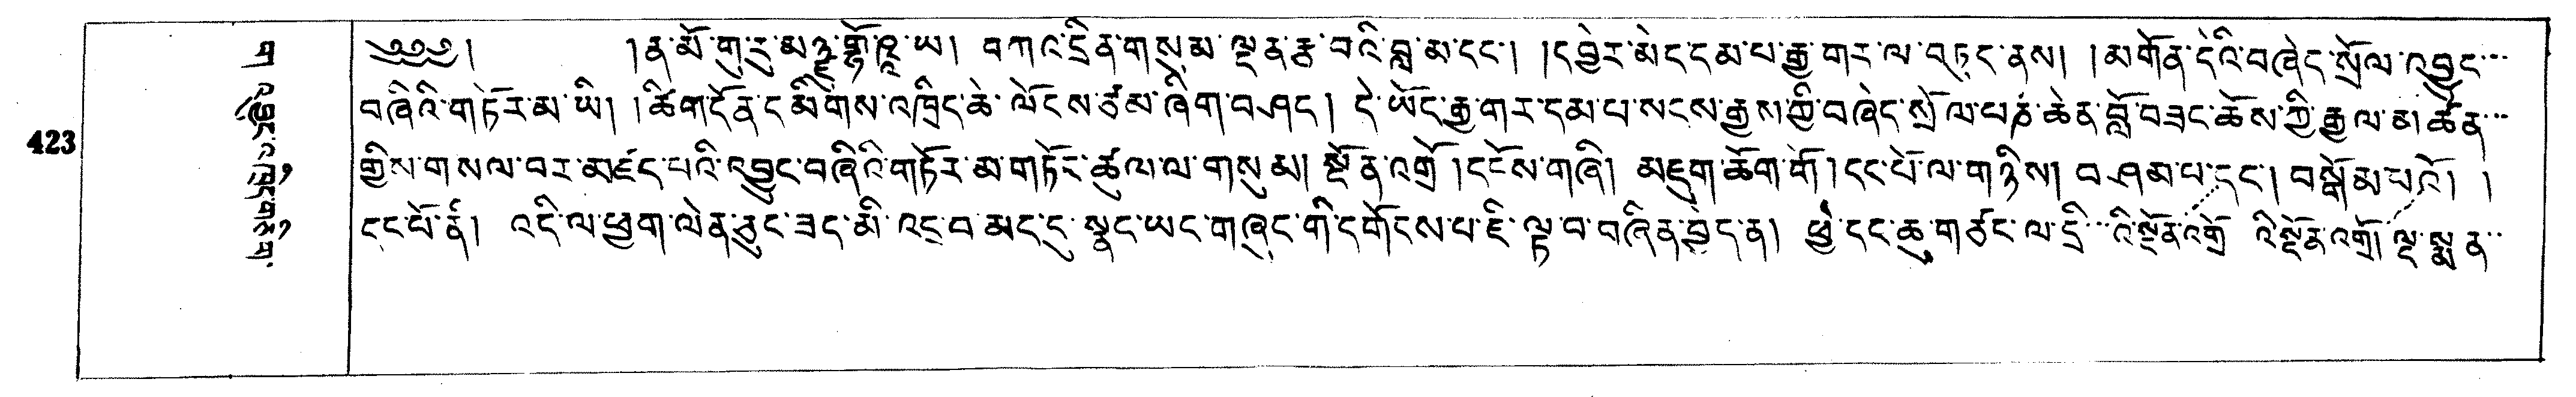༄༅༅། །ན་མོ་གུ་རུ་མཉྫུ་གྷོ་ཥཱ་ཡ། བཀའ་དྲིན་གསུམ་ལྡན་རྩ་བའི་བླ་མ་དང་། །དབྱེར་མེད་དམ་པ་རྒྱ་གར་ལ་བཏུང་ནས། །མགོན་དེའི་བཞེད་སྲོལ་འབྱུང་
བཞིའི་གཏོར་མ་ཡི། །ཚིག་དོན་དམིགས་འཁྲིད་ཆེ་ལོངས་ཙམ་ཞིག་བཤད། དེ་ཡོད་རྒྱ་གར་དམ་པ་སངས་རྒྱས་ཀྱི་བཞེད་སྲོལ་པཎ་ཆེན་བློ་བཟང་ཆོས་ཀྱི་རྒྱལ་མཚན་
གྱིས་གསལ་བར་མཛད་པའི་འབྱུང་བཞིའི་གཏོར་མ་གཏོང་ཚུལ་ལ་གསུམ། སྔོན་འགྲོ། དངོས་གཞི། མཇུག་ཆོག་གོ །དང་པོ་ལ་གཉིས། བཤམ་པ་དང་། བསྒོམ་པའོ། །
དང་པོ་ནི། འདི་ལ་ཕྱག་ལེན་ཅུང་ཟད་མི་འདྲ་བ་མང་དུ་སྣང་ཡང་གཞུང་གི་དགོངས་པ་ཇི་ལྟ་བ་བཞིན་བྱེད་ན། ཕྱེ་དང་ཆུ་གཙང་ལ་དྲི་འི་སྔོན་འགྲོ་འི་སྔོན་འགྲོ། ལྔ་སྨན་